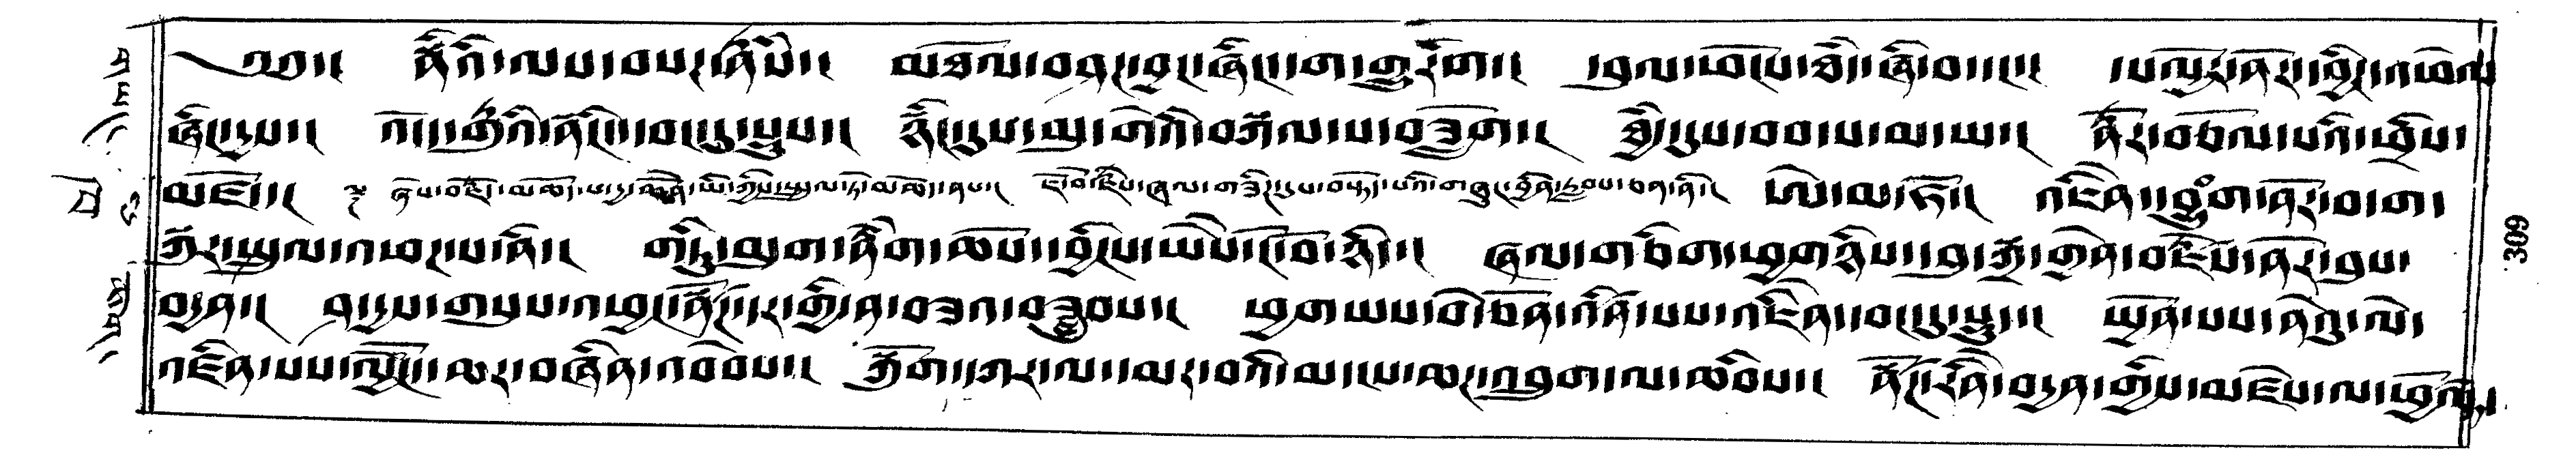སྣའི་ལས་བསགས་རྣམས། །མཐོལ་བཤགས་བྱང་ཞིང་དག་གྱུར་ཅིག །དབུལ་ཕོངས་ཐམས་ཅད་ཞི་བ་དང་། །དཔལ་འབྱོར་ནོར་དབྱིག་འཕེལ་
ཞིང་རྒྱས། །འདོད་རྒུའི་སྣང་སྲིད་དབང་དུ་སྡུས། །སྙིགས་དུས་མུ་གེའི་བསྐལ་པ་བཟློག །ཐུགས་དམ་དུས་བབ་ས་མ་ཡ། །རྣལ་འབྱོར་བཅོལ་པའི་ཕྲིན་ལས་
མཛོད།། ༈ ཅེས་བརྗོད་མཆོད་པ་རྒྱ་ཆེན་པོ་ཡིད་ཀྱིས་སྤྲུལ་ཏེ་མཆོད་ནས། ཇོ་བོ་རྗེས་ཞལ་གཟིགས་དུས་བསྟོད་པའི་གཞུང་བྱིན་རླབས་ཅན་ནི། ཨེ་མ་ཧོ། འཇིག་རྟེན་དབང་ཕྱུག་ནོར་བདག་
སྐུར་སྤྲུལ་འཕགས་པ་ནི། །གཏི་མུག་རྣམ་དག་ཆོས་དབྱིངས་ཡེ་ཤེས་ངོ་བོ་ཉིད། །ཞལ་གཅིག་ཕྱག་གཉིས་བུ་སྐྲ་གྱེན་བརྫེས་ནོར་བུས་
བརྒྱན། །ཤ་རྒྱས་གསུས་འཕྱང་སྣ་ཚོགས་དར་གྱི་ན་བཟའ་བཀླུབས། །ཕྱག་ཡས་བེ་ཅོན་འཛིན་པས་འཇིག་རྟེན་དབང་དུ་སྡུད། །གཡོན་པས་ནེའུ་ལེ་
འཛིན་པས་ལོངས་སྤྱོད་ཆར་བཞིན་འབེབས། །སྐུ་མདོག་དཀར་ལ་དམར་བའི་མདངས་ཆགས་འབྲུག་ལ་ཆིབས། །སྣ་ཚོགས་རིན་ཆེན་བརྒྱན་གྱིས་མཛེས་ལ་ཕྱག་འཚལ་བསྟོད། །